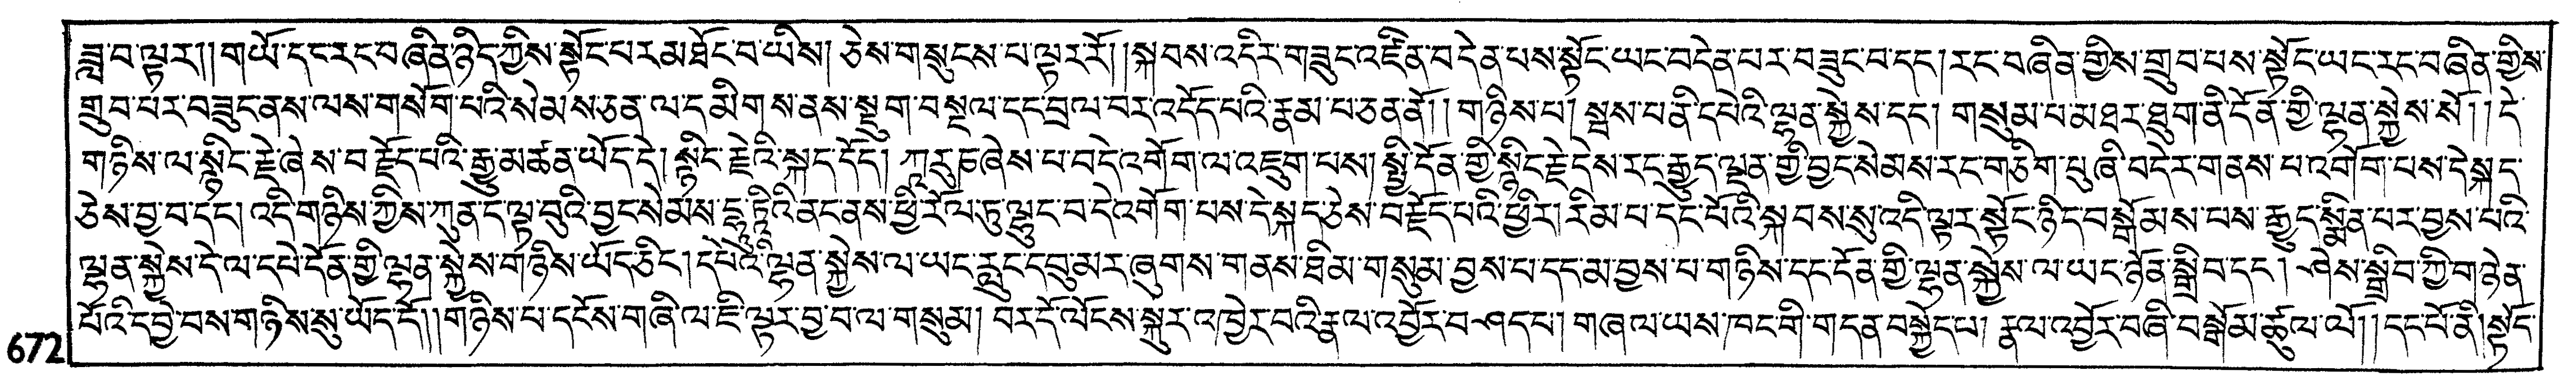ཟླ་བ་ལྟར། །གཡོ་དང་རང་བཞིན་ཉིད་ཀྱིས་སྟོང་པར་མཐོང་བ་ཡིས། ཅེས་གསུངས་པ་ལྟར་རོ། །སྐབས་འདིར་གཟུང་འཛིན་བདེན་པས་སྟོང་ཡང་བདེན་པར་བཟུང་བ་དང་། རང་བཞིན་གྱིས་གྲུབ་པས་སྟོང་ཡང་རང་བཞིན་གྱིས་
གྲུབ་པར་བཟུང་ནས་ལས་གསོག་པའི་སེམས་ཅན་ལ་དམིགས་ནས་སྡུག་བསྔལ་དང་བྲལ་བར་འདོད་པའི་རྣམ་པ་ཅན་ནོ། །གཉིས་པ། སྦས་པ་ནི་དཔེའི་ལྷན་སྐྱེས་དང་། གསུམ་པ་མཐར་ཐུག་ནི་དོན་གྱི་ལྷན་སྐྱེས་སོ། །དེ་
གཉིས་ལ་སྙིང་རྗེ་ཞེས་བརྗོད་པའི་རྒྱུ་མཚན་ཡོད་དེ། སྙིང་རྗེའི་སྐད་དོད། ཀཱ་རུ་ཎ་ཞེས་པ་བདེ་འགོག་ལ་འཇུག་པས། སྤྱི་དོན་གྱི་སྙིང་རྗེ་དེས་རང་རྒྱུད་ལྡན་གྱི་བྱང་སེམས་རང་གཅིག་པུ་ཞི་བདེར་གནས་པ་འགོག་པས་དེ་སྐད་
ཅེས་བྱ་བ་དང་། འདི་གཉིས་ཀྱིས་ཀུན་ད་ལྟ་བུའི་བྱང་སེམས་དྷཱུ་ཏཱིའི་ནང་ནས་ཕྱི་རོལ་ཏུ་ལྷུང་བ་དེ་འགོག་པས་དེ་སྐད་ཅེས་བརྗོད་པའི་ཕྱིར། རིམ་པ་དང་པོའི་སྐབས་སུ་འདི་ལྟར་སྟོང་ཉིད་བསྒོམས་པས་རྒྱུད་སྨིན་པར་བྱས་པའི་
ལྷན་སྐྱེས་དེ་ལ་དཔེ་དོན་གྱི་ལྷན་སྐྱེས་གཉིས་ཡོད་ཅིང་། དཔེའི་ལྷན་སྐྱེས་ལ་ཡང་རླུང་དབུ་མར་ཞུགས་གནས་ཐིམ་གསུམ་བྱས་པ་དང་མ་བྱས་པ་གཉིས་དང་དོན་གྱི་ལྷན་སྐྱེས་ལ་ཡང་ཉོན་སྒྲིབ་དང་། ཤེས་སྒྲིབ་ཀྱི་གཉེན་
པོའི་དབྱེ་བས་གཉིས་སུ་ཡོད་དོ། །གཉིས་པ་དངོས་གཞི་ལ་ཇི་ལྟར་བྱ་བ་ལ་གསུམ། བར་དོ་ལོངས་སྐུར་འཁྱེར་བའི་རྣལ་འབྱོར་བཤད་པ། གཞལ་ཡས་ཁང་གི་གདན་བསྐྱེད་པ། རྣལ་འབྱོར་བཞི་བསྒོམ་ཚུལ་ལོ། །དང་པོ་ནི། སྟོང་